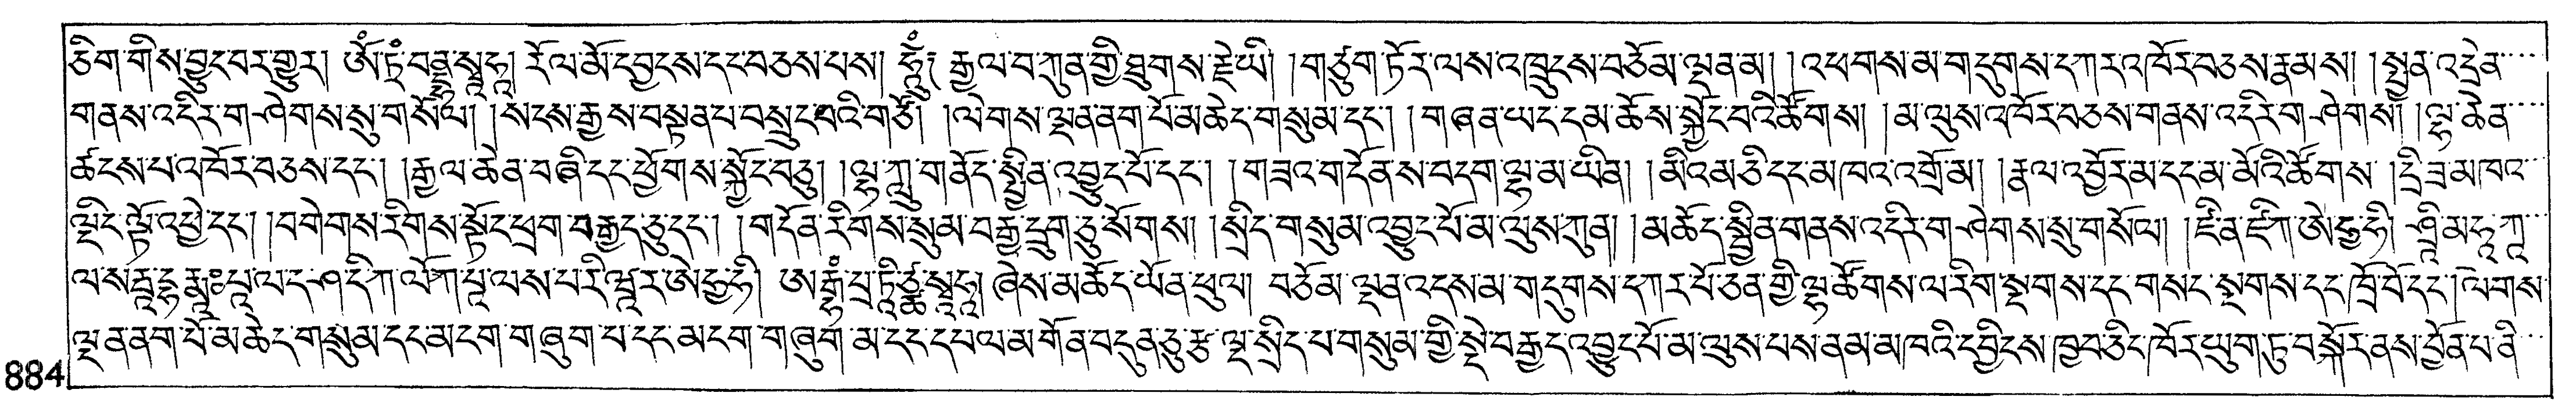ཅིག་གིས་བྱུང་བར་གྱུར། ཨོཾ་ཏྲཾ་བནྡྷ་སྭཱཧཱ། རོལ་མོ་དབྱངས་དང་བཅས་པས། ཧཱུཾ། རྒྱལ་བ་ཀུན་གྱི་ཐུགས་རྗེ་ཡི། །གཙུག་ཏོར་ལས་འཁྲུངས་བཅོམ་ལྡན་མ། །འཕགས་མ་གདུགས་དཀར་འཁོར་བཅས་རྣམས། །སྤྱན་འདྲེན་
གནས་འདིར་གཤེགས་སུ་གསོལ། །སངས་རྒྱས་བསྟན་པ་བསྲུང་བའི་གཙོ། །ལེགས་ལྡན་ནག་པོ་མཆེད་གསུམ་དང་། །གཞན་ཡང་དམ་ཆོས་སྐྱོང་བའི་ཚོགས། །མ་ལུས་འཁོར་བཅས་གནས་འདིར་གཤེགས། །ལྷ་ཆེན་
ཚངས་པ་འཁོར་བཅས་དང་། །རྒྱལ་ཆེན་བཞི་དང་ཕྱོགས་སྐྱོང་བཅུ། །ལྷ་ཀླུ་གནོད་སྤྱིན་འབྱུང་པོ་དང་། །གཟའ་གདོན་ས་བདག་ལྷ་མ་ཡིན། །མིའམ་ཅི་དང་མཁའ་འགྲོ་མ། །རྣལ་འབྱོར་མ་དང་མ་མོའི་ཚོགས། དྲི་ཟ་མཁའ་
ལྡིང་ལྟོ་འཕྱེ་དང་། །བགེགས་རིགས་སྟོང་ཕྲག་བརྒྱད་ཅུ་དང་། །གདོན་རིགས་སུམ་བརྒྱ་དྲུག་ཅུ་སོགས། །སྲིད་གསུམ་འབྱུང་པོ་མ་ལུས་ཀུན། །མཆོད་སྦྱིན་གནས་འདིར་གཤེགས་སུ་གསོལ། །ཛི་ན་ཛི་ཀ་ཨེ་ཧྱ་ཧི། ཤྲཱི་མཧཱ་ཀཱ་
ལ་སརྦཱ་དྷརྨཱཿ པཱ་ལ་ད་ཤ་དི་ཀ་ལོ་ཀ་པཱ་ལས་པ་རི་ཝཱ་ར་ཨེཧྱ་ཧི། ཨརྒྷཾ་པྲ་ཏཱི་ཙྪ་སྭཱཧཱ། ཞེས་མཆོད་ཡོན་ཕུལ། བཅོམ་ལྡན་འདས་མ་གདུགས་དཀར་པོ་ཅན་གྱི་ལྷ་ཚོགས་ལ་རིག་སྔགས་དང་གསང་སྔགས་དང་ཁྲོ་བོ་དང་། ལེགས་
ལྡན་ནག་པོ་མཆེད་གསུམ་དང་མངག་གཞུག་པ་དང་མངག་གཞུག་མ་དང་དཔལ་མགོན་བདུན་ཅུ་རྩ་ལྔ་སྲིད་པ་གསུམ་གྱི་སྡེ་བརྒྱད་འབྱུང་པོ་མ་ལུས་པས་ནམ་མཁའི་དབྱིངས་ཁྱབ་ཅིང་ཁོར་ཡུག་ཏུ་བསྐོར་ནས་བྱོན་པ་ནི་